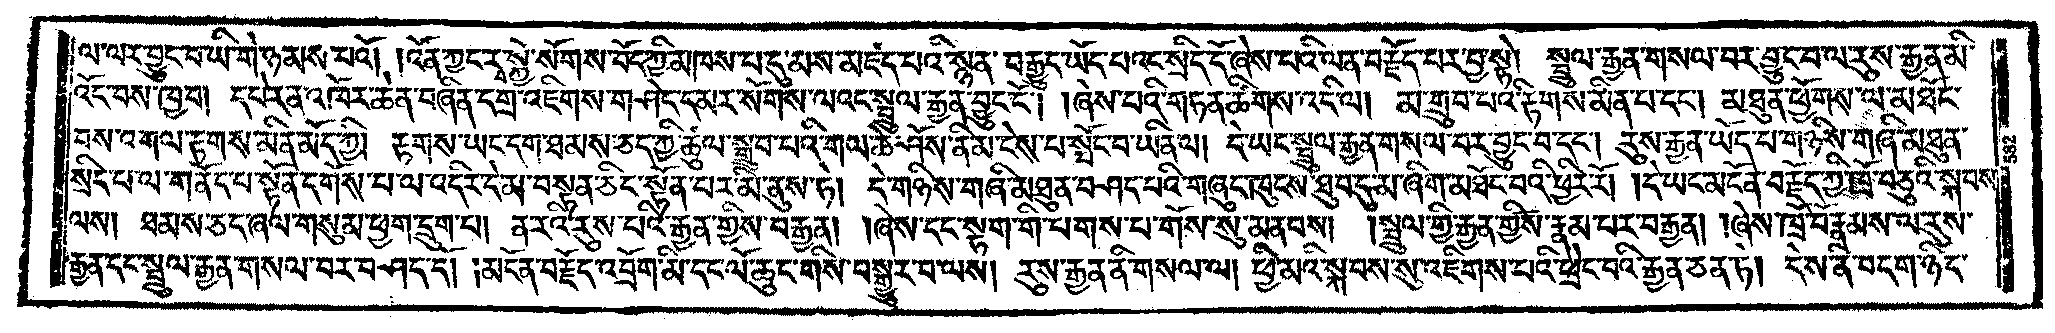ལ་ལར་བྱུང་བ་ཡི་གེ་ཉམས་པའོ། །འོན་ཀྱང་རྭ་སྐྱོ་སོགས་བོད་ཀྱི་མཁས་
པ་དུ་མས་མཛད་པའི་སྙན་བརྒྱུད་ཡོད་པའང་སྲིད་དོ་ཞེས་པའི་ལན་བརྗོད་པར་བྱ་སྟེ། སྤྲུལ་རྒྱན་གསལ་བར་བྱུང་བ་ལ་རུས་རྒྱན་མི་འོང་བས་ཁྱབ། དཔེར་ན་འཁོར་ཆེན་བཞིན་དགྲ་འཇིགས་གཤེད་དམར་སོགས་ལའང་སྤྲུལ་རྒྱན་བྱུང་ངོ། །
ཞེས་པའི་གཏན་ཚིགས་འདི་ལ། མ་གྲུབ་པའི་རྟགས་མིན་པ་དང་། མཐུན་ཕྱོགས་ལ་མཐོང་བས་འགལ་རྟགས་མིན་མོད་ཀྱི། རྟགས་ཡང་དག་ཐམས་ཅད་ཀྱི་ཚུལ་སྒྲུབ་པའི་གལ་ཆེ་ཤོས་ནི་མ་ངེས་པ་སྤོང་བ་ཡིན་ལ། དེ་ཡང་སྤྲུལ་རྒྱན་གསལ་
བར་བྱུང་བ་དང་། རུས་རྒྱན་ཡོད་པ་གཉིས་གཞི་མཐུན་སྲིད་པ་ལ་གནོད་པ་སྟོན་དགོས་པ་ལ་འདིར་དེ་མ་བསྟན་ཅིང་སྟོན་པར་མི་ནུས་ཏེ། དེ་གཉིས་གཞི་མཐུན་བཤད་པའི་གཞུང་ཁུངས་ཐུབ་དུ་མ་ཞིག་མཐོང་བའི་ཕྱིར་རོ། །དེ་ཡང་མངོན་བརྗོད་ཀྱི་ཁྲོ་བཅུའི་སྐབས་ལས། ཐམས་ཅད་ཞལ་གསུམ་ཕྱག་དྲུག་པ། །ན་རའི་རུས་པའི་རྒྱན་གྱིས་བརྒྱན། །ཞེས་དང་སྟག་གི་པགས་པ་གོས་སུ་མན་བས། །སྦྲུལ་གྱི་རྒྱན་གྱིས་རྣམ་པར་བརྒྱན། །ཞེས་ཁྲོ་བོ་རྣམས་ལ་རུས་རྒྱན་
དང་སྦྲུལ་རྒྱན་གསལ་བར་བཤད་དོ། །མངོན་བརྗོད་འབྲོག་མི་དང་ལོ་ཆུང་གིས་བསྒྱུར་བ་ལས། རུས་རྒྱན་ནི་གསལ་ལ། ཕྱི་མའི་སྐབས་སུ་འཇིགས་པའི་ཕྲེང་བའི་རྒྱན་ཅན་ཏེ། དེས་ནི་བདག་ཉིད་